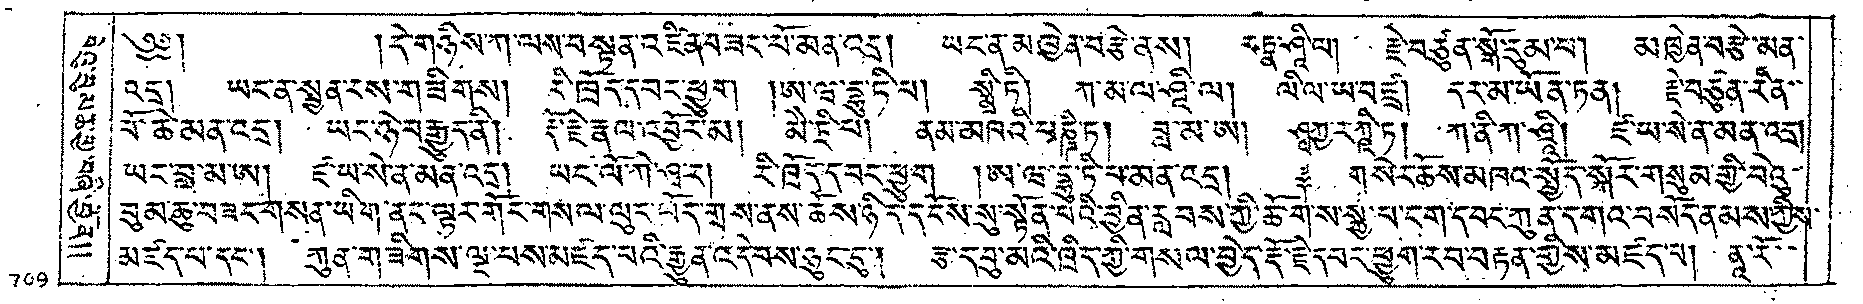༄༅། །དེ་གཉིས་ཀ་ལས་བསྟན་འཛིན་བཟང་པོ་མན་འདྲ། ཡང་ན་མཁྱེན་བརྩེ་ནས། རཏྣ་ཤཱི་ལ། རྗེ་བཙུན་སྒོ་རུམ་པ། མཁྱེན་བརྩེ་མན་
འདྲ། ཡང་ན་སྤྱན་རས་གཟིགས། རི་ཁྲོད་དབང་ཕྱུག །ཨ་ཝ་དྷུ་ཏི་པ། སྨྲི་ཏི། ཀ་མ་ལ་ཤཱི་ལ། ལི་ལ་ཡ་བཛྲ། དར་མ་ཡོན་ཏན། རྗེ་བཙུན་རིན་
པོ་ཆེ་མན་འདྲ། ཡང་ཉེ་བརྒྱུད་ནི། རྡོ་རྗེ་རྣལ་འབྱོར་མ། མཻ་ཏྲི་པ། ནམ་མཁའི་པཎྜི་ཏ། བླ་མ་ཨ། ཤཱཀྱ་རཀྵི་ཏ། ཀ་ནི་ཀ་ཤྲཱི། ཛ་ཡ་སེ་ན་མན་འདྲ།
ཡང་བླ་མ་ཨ། ཛ་ཡ་སེ་ན་མན་འདྲ། ཡང་ལོ་ཀེ་ཤྭ་ར། རི་ཁྲོད་དབང་ཕྱུག །ཨ་ཝ་དྷུ་ཏི་པ་མན་འདྲ། ༈ གསེར་ཆོས་མཁའ་སྤྱོད་སྐོར་གསུམ་གྱི་བེའུ་
བུམ་ཆུ་བཟང་གསན་ཡིག་ནང་ལྟར་གོང་གསལ་ལུང་ཡོད་གྲས་ནས་ཆོས་ཉིད་དངོས་སུ་སྟོན་པའི་བྱིན་རླབས་ཀྱི་ཆོ་ག་ས་སྐྱ་པ་ངག་དབང་ཀུན་དགའ་བསོད་ནམས་ཀྱིས་
མཛད་པ་དང་། ཀུན་གཟིགས་ལྔ་པས་མཛད་པའི་རྒྱུན་འདེབས་ཉུང་ངུ། རྩ་དབུ་མའི་ཁྲིད་ཀྱི་གསལ་བྱེད་རྡོ་རྗེ་དབང་ཕྱུག་རབ་བརྟན་གྱིས་མཛད་པ། ནཱ་རོ་